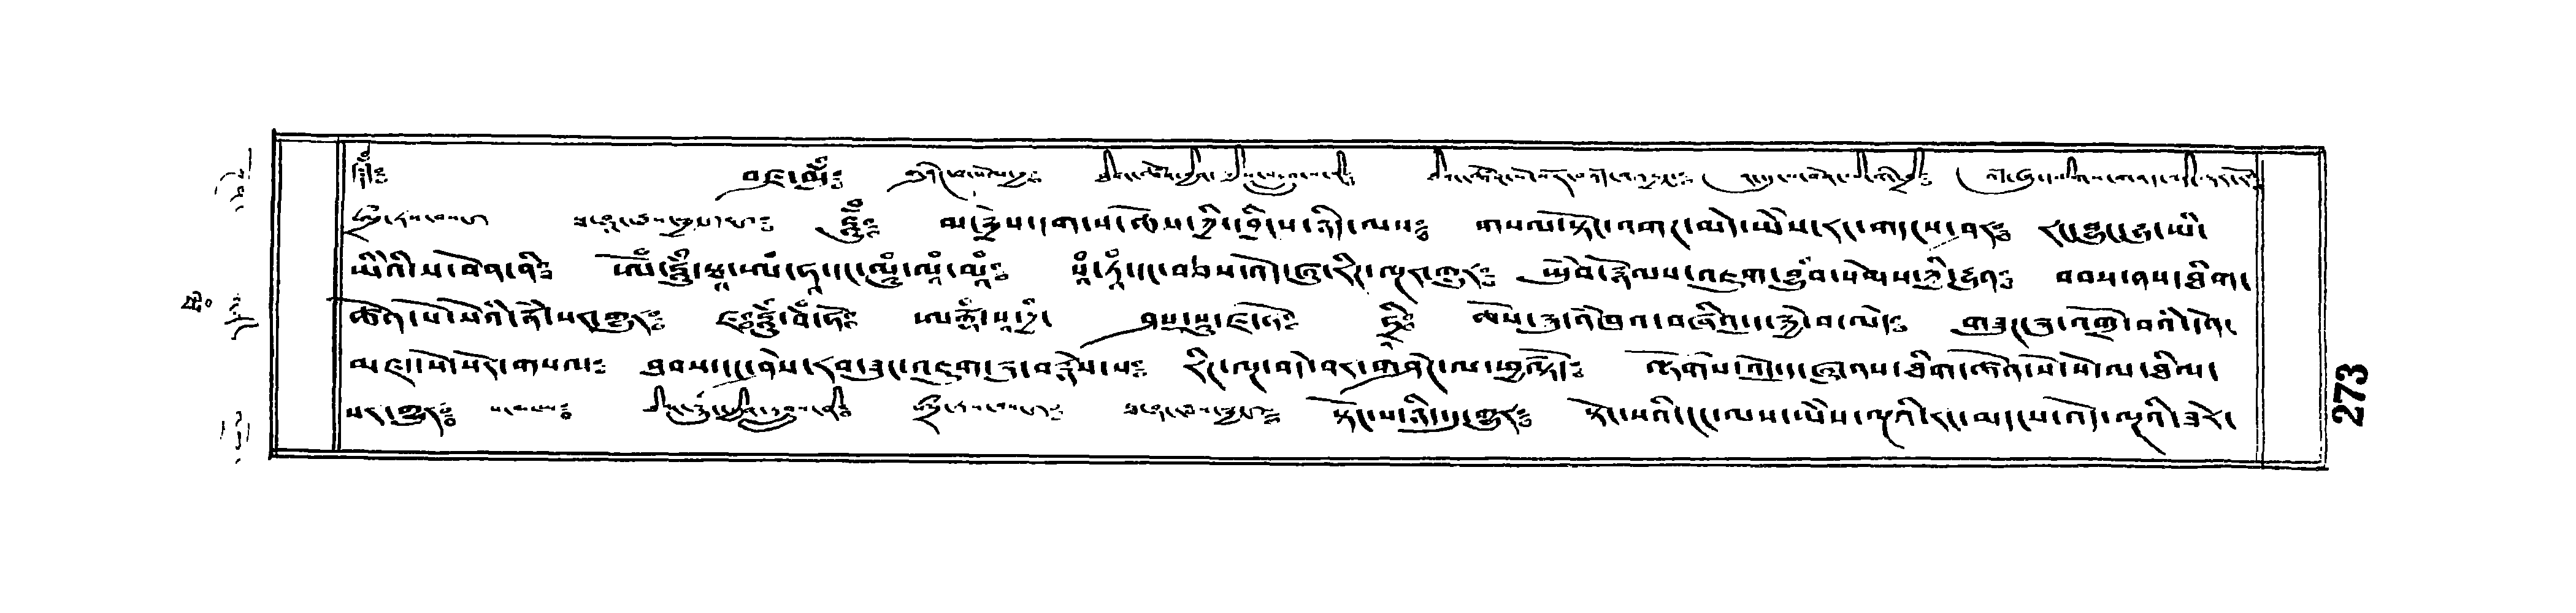བཛྲ་མུྃ༔ གཤེགས་གསོལ་བྱ༔ ཐིག་ཚོན་བྱིན་གྱིས་བརླབ་པ་ནི༔ ཐིག་ཚོན་སོ་སོར་བཀོད་ནས་བྱང༔ ནང་དུ་ས་བོན་ཡི་གེ་བྲི༔ འོད་ཞུ་དམིགས་གནད་འདི་ལྟར་རོ༔ 
ཨ་མྲི་ཏས་བསངས༔ སྭ་བྷཱ་ཝས་སྦྱངས་ནས༔ ཧཱུྃ༔ མ་སྐྱེས་དག་པ་ཆོས་ཀྱི་དབྱིངས་ཉིད་ལས༔ གསལ་སྟོང་འགག་མེད་ཡེ་ཤེས་རང་གདངས་ཤར༔ རང་བྱུང་རྒྱུ་ཡི་
ཡི་གེའི་ས་བོན་ནི༔ ཨོཾ་ཧཱུྃ་སྭཱ་ཨཾ་ཧཱ་དང་མཱུཾ་ལཱཾ་མཱཾ༔ སཱཾ་ཏཱཾ་དང་བཅས་འོད་ཞུ་རིགས་ལྔར་གྱུར༔ ཡབ་ཡུམ་སྙོམས་འཇུག་བྱང་ཆུབ་སེམས་ཀྱི་རྒྱུན༔ བབས་ནས་ཐིག་
ཚོན་སོ་སོའི་རྣམ་པར་གྱུར༔ ཛཿཧཱུྃ་བྃ་ཧོཿ ཨརྒྷཾ་པཱ་དྱཾ༴ ཤཔྡ་པཱུ་ཛ་ཧོཿ ཧྲཱིཿ ཆོས་སྐུ་ནམ་མཁའ་བཞིན་དུ་སྐྱེ་བ་མེད༔ གཟུགས་སྐུ་འགྲོ་བའི་དོན་
མཛད་སོ་སོར་གསལ༔ ཐབས་དང་ཤེས་རབ་ཟུང་འཇུག་སྐུ་བརྙེས་པ༔ རིགས་ལྔ་བདེ་བར་གཤེགས་ལ་ཕྱག་འཚལ་བསྟོད༔ ལྷ་ཚོགས་འོད་དུ་ཞུ་ནས་ཐིག་ཚོན་སོ་སོ་ལ་ཐིམ་
པར་གྱུར༔ས་མ་ཡ༔ ཐིག་སྐུད་བྱིན་རླབས་ནི༔ ཨ་མྲི་རས་བསངས༔ སྭ་བྷ་ཝས་སྦྱངས༔ སྟོང་པ་ཉིད་དུ་གྱུར༔ སྟོང་པའི་ངང་ལས་ཡེ་ཤེས་ལྔའི་རང་མདངས་འོད་ལྔའི་ཟེར་